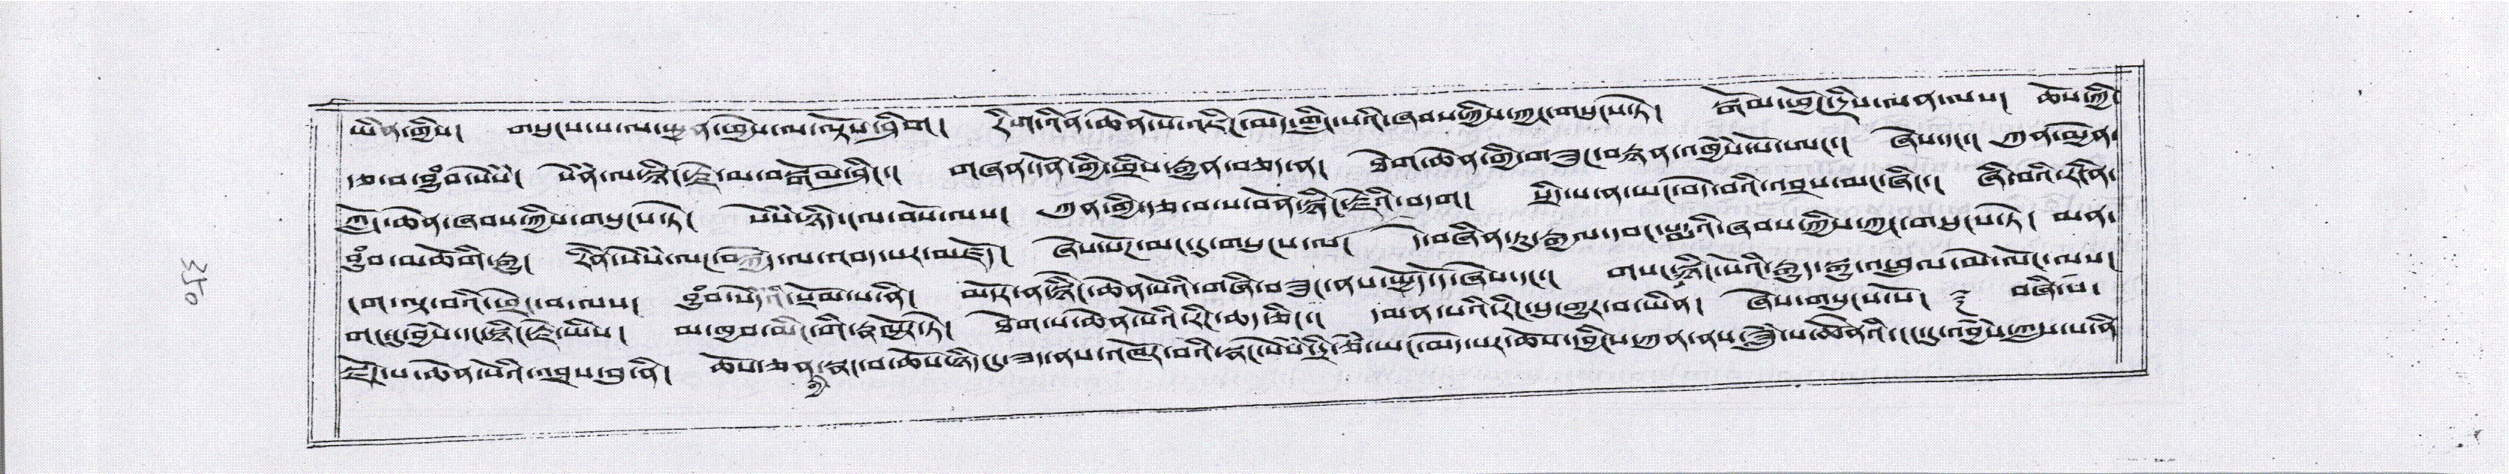ཡིན་གྱིས། གསུངས་པ་ལ་སྤྱན་ཕྱེས་ལ་ལྟོས་ཤིག རིག་འཛིན་ཆེན་པོ་འཇིགས་མེད་གླིང་པའི་ཞབས་ཀྱིས་ཀྱང་གསུངས་ཏེ། སྒོམ་ཕྱོགས་དྲིས་ལན་ལས། ཆོས་ཀྱི་
རྩ་བ་བྱང་ཆུབ་སེམས། སེམས་ཅན་ལ་སྙིང་རྗེ་མ་བསྒོམ་ཤིང། གཞན་དོན་གྱི་ཕྲིན་ལས་རྒྱུན་བཅད་ན། ཐེག་ཆེན་གྱི་གཟུགས་བརྙན་འཁྱམས་པོ་ཨང། ཞེས་དང། ཀུན་མཁྱེན་
ཀློང་ཆེན་ཞབས་ཀྱིས་གསུངས་ཏེ། སེམས་ཉིད་ངལ་བསོ་ལས། ཀུན་གྱི་རྩ་བ་ས་བོན་སྙིང་རྗེའི་བདག སྲིད་པ་ན་ཡང་བདེ་བའི་འབྲས་མང་ཞིང། ཞི་བའི་རང་བཞིན་
བྱང་ཆུབ་མཆོག་གི་རྒྱུ། རིན་ཆེན་སེམས་ལགས་བསྐྱེད་ལ་འབད་པར་མཛོད། ཞེས་སོགས་མང་དུ་གསུངས་ལ། དེ་བཞིན་ཏུ་རྒྱལ་དབང་པདྨའི་ཞབས་ཀྱིས་ཀྱང་གསུངས་ཏེ། མན་
ངག་ལྟ་བའི་ཕྲེང་བ་ལས། བྱང་ཆུབ་སེམས་དཔའི་སྡོམ་པ་ནི། མདོར་ན་སྙིང་རྗེ་ཆེན་པོའི་གཞི་བཟུང་ནས་སྤྱོད་དོ་ཞེས་དང། གསང་བ་སྙིང་པོའི་རྒྱུད་སྒྱུ་འཕྲུལ་མེ་ལོང་ལས། 
གང་དུ་བྱམས་དང་སྙིང་རྗེ་ཡིས། མ་ཁྱབ་མིང་གི་རྣལ་འབྱོར་ཏེ། ཐེག་པ་ཆེན་པོའི་རིགས་ཆད་ཅིང། དམན་པའི་རིགས་སུ་གྱུར་བ་ཡིན། ཞེས་གསུངས་སོ། ༑ བཞི་པ་
རྫོགས་པ་ཆེན་པོའི་འབྲས་བུ་ནི། ཆོས་ཅན་གྱི་སྣང་བ་ཆོས་ཉིད་དུ་ཟད་ནས་འཁོར་བའི་སྣང་སེམས་དྲི་ཙམ་ཡང་མེད་པར་ཆོས་དབྱིངས་ཀུན་ནས་ཟླུམ་པ་ཆེན་པོའི་ངང་དུ་འབྱམས་ཀླས་པ་ནི།